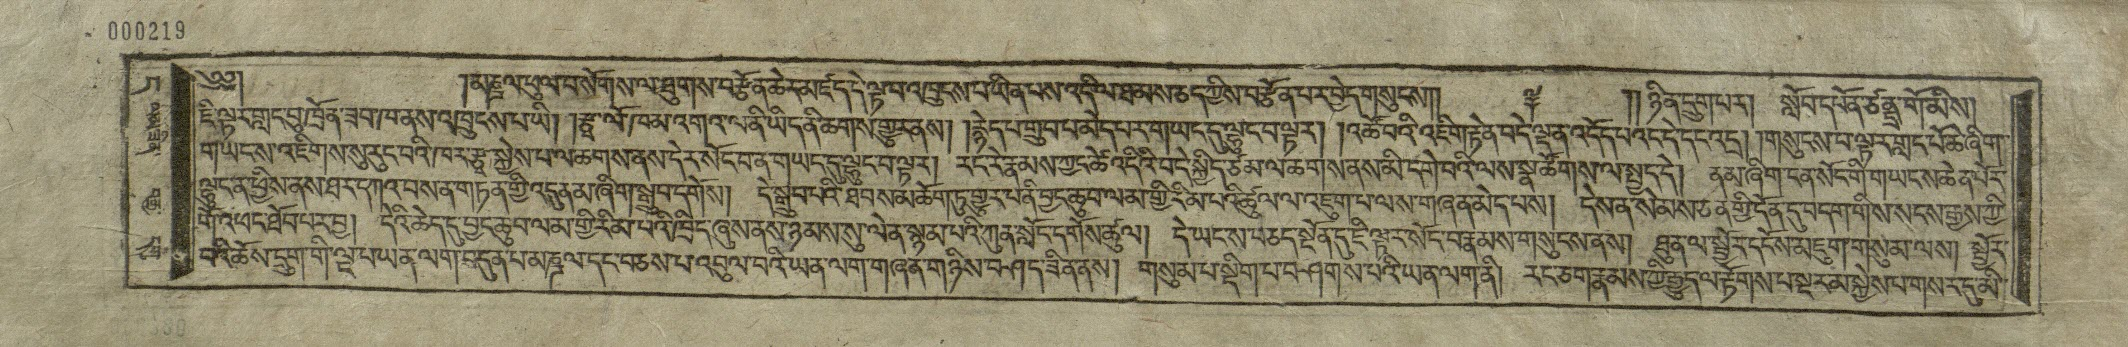༄༅། །མཎྜལ་ཕུལ་བ་སོགས་ལ་ཐུགས་བརྩོན་ཆེར་མཛད་དེ་ལྟ་བ་འཁྲུངས་པ་ཡིན་པས་འདི་ལ་ཐམས་ཅད་ཀྱིས་བརྩོན་པར་བྱེད་གསུངས།། ༈ །།ཉིན་དྲུག་པར། སློབ་དཔོན་ཙནྡྲ་གོ་མིས།
ཇི་ལྟར་གླང་བུ་ཁྲོན་ཟབ་ཁ་ནས་འཁྲུངས་པ་ཡི། །རྩྭ་ལོ་ཁམ་འགའ་ལ་ནི་ཡིད་ནི་ཆགས་གྱུར་ནས། །རྙེད་པ་གྲུབ་པ་མེད་པར་གཡང་དུ་ལྷུང་བ་ལྟར། །འཚོ་བའི་འཇིག་རྟེན་བདེ་ལྡན་འདོད་པའང་དེ་དང་འདྲ། །གསུངས་པ་ལྟར་གླང་པོ་ཆེ་ཞིག་
གཡང་ས་འཇིགས་སུ་རུང་བའི་ཁར་རྩྭ་སྐྱེས་པ་ལ་ཆགས་ནས་དེར་སོང་བ་ན་གཡང་དུ་ལྷུང་བ་ལྟར། རང་རེ་རྣམས་ཀྱང་ཚེ་འདིའི་བདེ་སྐྱིད་ཙམ་ལ་ཆགས་ནས་མི་དགེ་བའི་ལས་སྣ་ཚོགས་ལ་སྤྱད་དེ། ནམ་ཞིག་ངན་སོང་གི་གཡང་ས་ཆེན་པོར་
ལྷུང་ན་ཕྱིས་ནས་ཐར་དཀའ་བས་ན་གཏན་གྱི་འདུན་མ་ཞིག་སྒྲུབ་དགོས། དེ་སྒྲུབ་པའི་ཐབས་མཆོག་ཏུ་གྱུར་པ་ནི་བྱང་ཆུབ་ལམ་གྱི་རིམ་པའི་ཚུལ་ལ་འཇུག་པ་ལས་གཞན་མེད་པས། དེས་ན་སེམས་ཅན་གྱི་དོན་དུ་བདག་གིས་སངས་རྒྱས་ཀྱི་
གོ་འཕང་ཐོབ་པར་བྱ། དེའི་ཆེད་དུ་བྱང་ཆུབ་ལམ་གྱི་རིམ་པའི་ཁྲིད་ཞུས་ནས་ཉམས་སུ་ལེན་སྙམ་པའི་ཀུན་སློང་དགོས་ཚུལ། དེ་ཡང་ས་བཅད་སྔོན་དུ་ཇི་ལྟར་སོང་བ་རྣམས་གསུངས་ནས། ཐུན་ལ་སྦྱོར་དངོས་མཇུག་གསུམ་ལས། སྦྱོར་
བའི་ཆོས་དྲུག་གི་ལྔ་པ་ཡན་ལག་བདུན་པ་མཎྜལ་དང་བཅས་པ་འབུལ་བའི་ཡན་ལག་གཞན་གཉིས་བཤད་ཟིན་ནས། གསུམ་པ་སྡིག་པ་བཤགས་པའི་ཡན་ལག་ནི། རང་ཅག་རྣམས་ཀྱི་རྒྱུད་ལ་རྟོགས་པ་སྔར་མ་སྐྱེས་པ་གསར་དུ་མི་